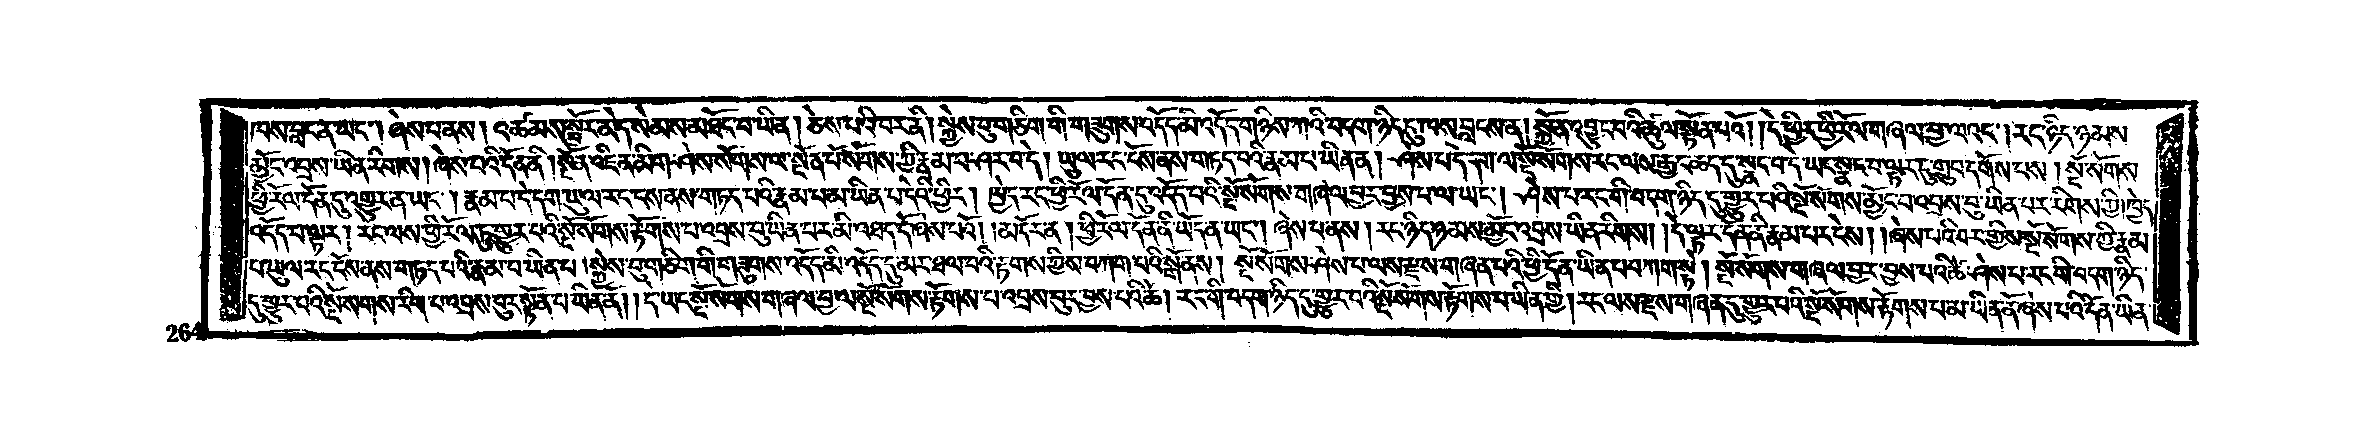ཁས་བླང་ན་ཡང་། ཞེས་པ་ནས། འཚམས་སྦྱོར་མེད་སེམས་མཐོང་བ་ཡིན། ཅེས་པའི་བར་ནི། སྐྱེས་བུ་གཅིག་གི་གཟུགས་འདོད་མི་འདོད་གཉིས་ཀའི་བདག་ཉིད་དུ་ཁས་བླངས་ན། སྐྱོན་འབྱུང་བའི་ཚུལ་སྟོན་པའོ། །དེ་ཕྱིར་ཕྱི་རོལ་གཞལ་བྱ་ལའང་། རང་ཉིད་ཉམས་
མྱོང་འབྲས་ཡིན་རིགས། ཞེས་པའི་དོན་ནི། སྔོན་འཛིན་མིག་ཤེས་སོགས་ལ་སྔོན་པོ་སོགས་ཀྱི་རྣམ་པ་ཤར་བ་དེ། ཡུལ་རང་ངོས་ནས་གཏད་པའི་རྣམ་པ་ཡིན་ན། ཤེས་པ་དེ་དག་ལ་སྔོ་སོགས་རང་ལས་རྒྱང་ཆད་དུ་སྣང་བྱ་དེ་ཡང་སྣང་བ་ལྟར་དུ་གྲུབ་དགོས་པས། སྔོ་སོགས་
ཕྱི་རོལ་དོན་དུ་འབྱུང་ན་ཡང་། རྣམ་པ་དེ་དག་ཡུལ་རང་ངོས་ནས་གཏད་པའི་རྣམ་པ་མ་ཡིན་པ་དེའི་ཕྱིར། ཁྱེད་རང་ཕྱི་རོལ་དོན་དུ་འདོད་པའི་སྔོ་སོགས་གཞལ་བྱར་བྱས་པ་ལ་ཡང་། ཤེས་པ་རང་གི་བདག་ཉིད་དུ་གྱུར་པའི་སྔོ་སོགས་མྱོང་བ་འབྲས་བུ་ཡིན་པར་རིགས་ཀྱི། ཁྱེད་
འདོད་པ་ལྟར། རང་ལས་ཕྱི་རོལ་ཏུ་གྱུར་པའི་སྔོ་སོགས་རྟོགས་པ་འབྲས་བུ་ཡིན་པར་མི་འཐད་དོ་ཞེས་པའོ། །མདོར་ན། ཕྱི་རོལ་དོན་ནི་ཡོད་ན་ཡང་། ཞེས་པ་ནས། རང་ཉིད་ཉམས་མྱོང་འབྲས་ཡིན་རིགས། །དེ་ལྟར་དོན་ནི་རྣམ་པར་ངེས། །ཞེས་པའི་བར་གྱིས་སྔོ་སོགས་ཀྱི་རྣམ་
པ་ཡུལ་རང་ངོས་ནས་གཏད་པའི་རྣམ་པ་ཡིན་པ། སྐྱེས་བུ་གཅིག་གི་གཟུགས་འདོད་མི་འདོད་དུ་མར་ཐལ་བའི་རྟགས་ཀྱིས་བཀག་པའི་སྒོ་ནས། སྔོ་སོགས་ཤེས་པ་ལས་རྫས་གཞན་པའི་ཕྱི་དོན་ཡིན་པ་བཀག་སྟེ། སྔོ་སོགས་གཞལ་བྱར་བྱས་པའི་ཚེ་ཤེས་པ་རང་གི་བདག་ཉིད་
དུ་གྱུར་པའི་སྔོ་སོགས་རིག་པ་འབྲས་བུར་སྟོན་པ་ཡིན་ནོ། །དེ་ཡང་སྔོ་སོགས་གཞལ་བྱ་ལ་སྔོ་སོགས་རྟོགས་པ་འབྲས་བུར་བྱས་པའི་ཚེ། རང་གི་བདག་ཉིད་དུ་གྱུར་པའི་སྔོ་སོགས་རྟོགས་པ་ཡིན་གྱི། རང་ལས་རྫས་གཞན་དུ་གྱུར་པའི་སྔོ་སོགས་རྟོགས་པ་མ་ཡིན་ནོ་ཞེས་པའི་དོན་ཡིན་